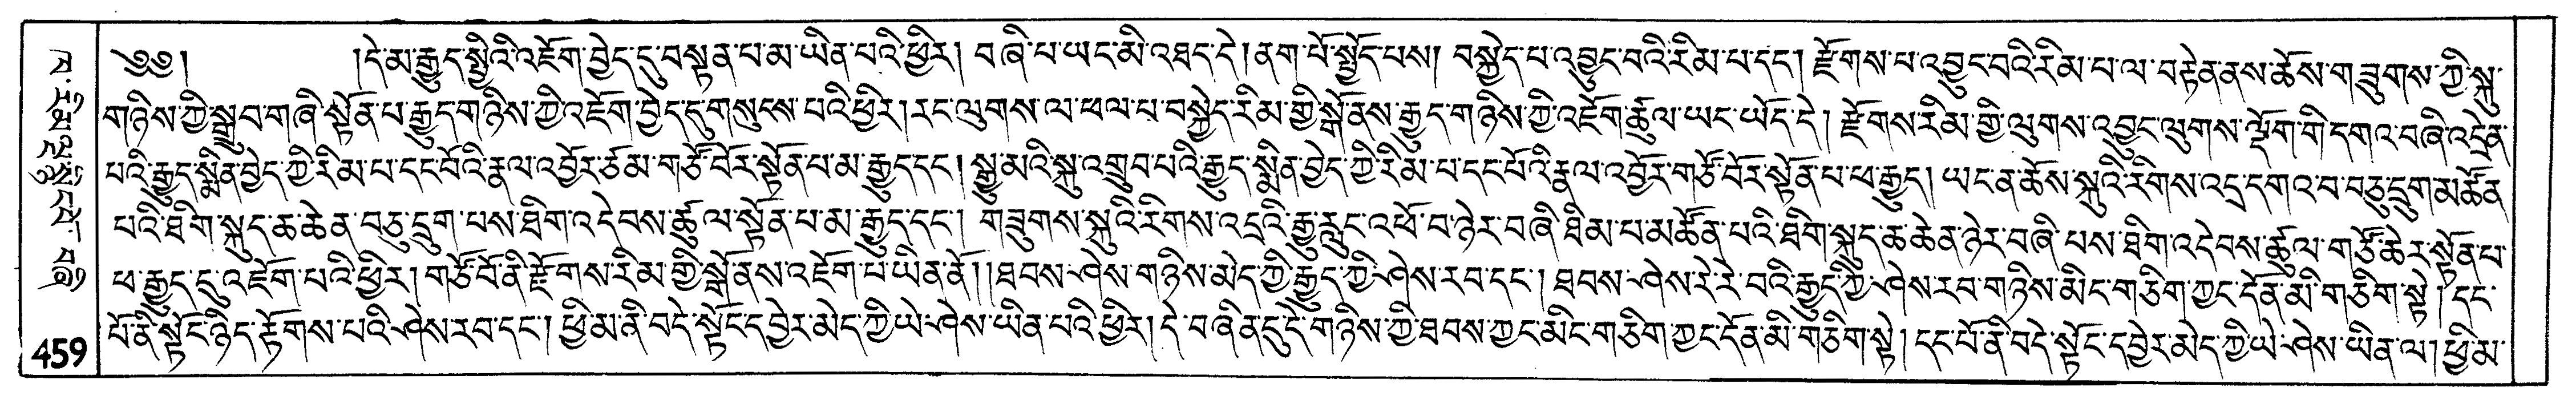༄༅། །དེ་མ་རྒྱུད་སྤྱིའི་འཇོག་བྱེད་དུ་བསྟན་པ་མ་ཡིན་པའི་ཕྱིར། བཞི་པ་ཡང་མི་འཐད་དེ། ནག་པོ་སྤྱོད་པས། བསྐྱེད་པ་འབྱུང་བའི་རིམ་པ་དང་། རྫོགས་པ་འབྱུང་བའི་རིམ་པ་ལ་བརྟེན་ནས་ཆོས་གཟུགས་ཀྱི་སྐུ་
གཉིས་ཀྱི་སྒྲུབ་གཞི་སྟོན་པ་རྒྱུད་གཉིས་ཀྱི་འཇོག་བྱེད་དུ་གསུངས་པའི་ཕྱིར། རང་ལུགས་ལ་ཕལ་པ་བསྐྱེད་རིམ་གྱི་སྒོ་ནས་རྒྱུད་གཉིས་ཀྱི་འཇོག་ཚུལ་ཡང་ཡོད་དེ། རྫོགས་རིམ་གྱི་ལུགས་འབྱུང་ལུགས་ལྡོག་གི་དགའ་བཞི་འདྲེན་
པའི་རྒྱུད་སྨིན་བྱེད་ཀྱི་རིམ་པ་དང་པོའི་རྣལ་འབྱོར་ཙམ་གཙོ་བོར་སྟོན་པ་མ་རྒྱུད་དང་། སྒྱུ་མའི་སྐུ་འགྲུབ་པའི་རྒྱུད་སྨིན་བྱེད་ཀྱི་རིམ་པ་དང་པོའི་རྣལ་འབྱོར་གཙོ་བོར་སྟོན་པ་ཕ་རྒྱུད། ཡང་ན་ཆོས་སྐུའི་རིགས་འདྲ་དགའ་བ་བཅུ་དྲུག་མཚོན་
པའི་ཐིག་སྐུད་ཆ་ཆེན་བཅུ་དྲུག་པས་ཐིག་འདེབས་ཚུལ་སྟོན་པ་མ་རྒྱུད་དང་། གཟུགས་སྐུའི་རིགས་འདྲའི་རྒྱུ་རླུང་འཕོ་བ་ཉེར་བཞི་ཐིམ་པ་མཚོན་པའི་ཐིག་སྐུད་ཆ་ཆེན་ཉེར་བཞི་པས་ཐིག་འདེབས་ཚུལ་གཙོ་ཆེར་སྟོན་པ་
ཕ་རྒྱུད་དུ་འཇོག་པའི་ཕྱིར། གཙོ་བོ་ནི་རྫོགས་རིམ་གྱི་སྒོ་ནས་འཇོག་པ་ཡིན་ནོ། །ཐབས་ཤེས་གཉིས་མེད་ཀྱི་རྒྱུད་ཀྱི་ཤེས་རབ་དང་། ཐབས་ཤེས་རེ་རེ་བའི་རྒྱུད་ཀྱི་ཤེས་རབ་གཉིས་མིང་གཅིག་ཀྱང་དོན་མི་གཅིག་སྟེ། དང་
པོ་ནི་སྟོང་ཉིད་རྟོགས་པའི་ཤེས་རབ་དང་། ཕྱི་མ་ནི་བདེ་སྟོང་དབྱེར་མེད་ཀྱི་ཡེ་ཤེས་ཡིན་པའི་ཕྱིར། དེ་བཞིན་དུ་དེ་གཉིས་ཀྱི་ཐབས་ཀྱང་མིང་གཅིག་ཀྱང་དོན་མི་གཅིག་སྟེ། དང་པོ་ནི་བདེ་སྟོང་དབྱེར་མེད་ཀྱི་ཡེ་ཤེས་ཡིན་ལ། ཕྱི་མ་